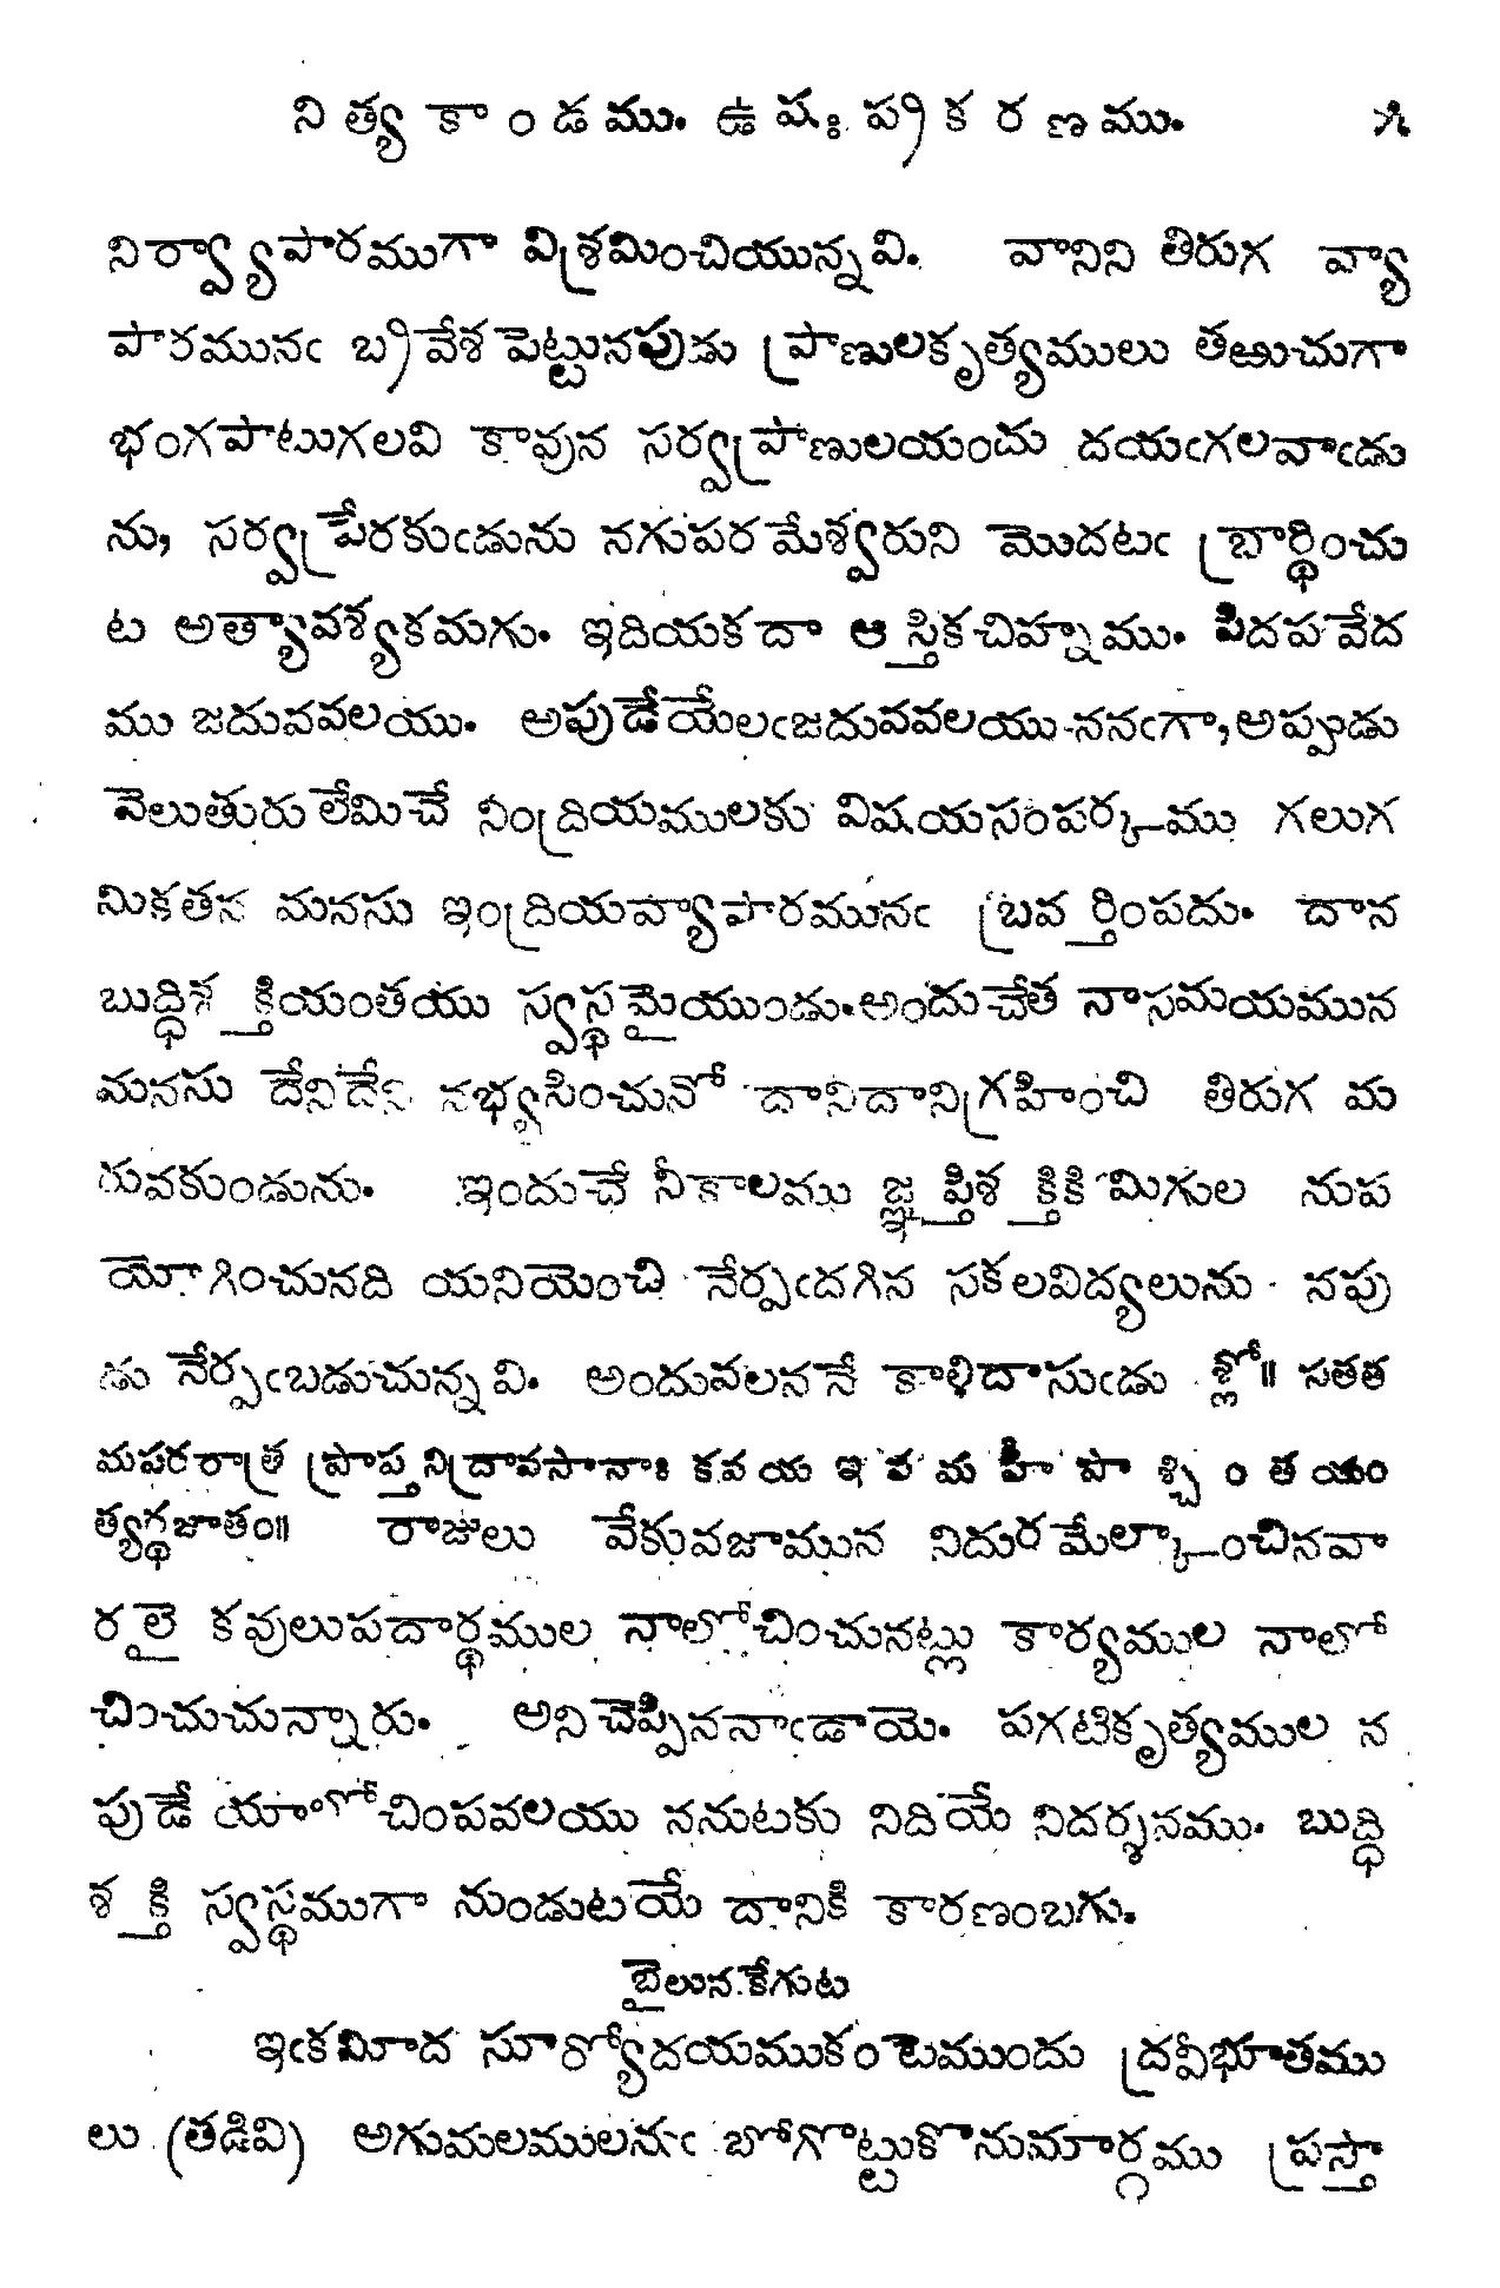నిర్వ్యాపారముగా విశ్రమించియున్నవి. వానిని తిరుగ వ్యాపారమునఁ బ్రవేశపెట్టునపుడు ప్రాణులకృత్యములు తఱుచుగా భంగపాటుగలవి కావున సర్వప్రాణులయందు దయఁగలవాఁడును, సర్వప్రేరకుఁడును నగుపరమేశ్వరుని మొదటఁ బ్రార్థించుట అత్యావశ్యకమగు. ఇదియకదా ఆస్తికచిహ్నము. పిదపవేదము జదువవలయు. అపుడేయేలఁజదువవలయు ననఁగా, అప్పుడు వెలుతురులేమిచే నింద్రియములకు విషయసంపర్కము గలుగమికతన మనసు ఇంద్రియవ్యాపారమునఁ బ్రవర్తింపదు. దాన బుద్ధిశక్తియంతయు స్వస్థమైయుండు. అందుచేత నాసమయమున మనసు దేనిదేని నభ్యసించునో దానిదానిగ్రహించి తిరుగ మరువకుండును. ఇందుచే నీకాలము జ్ఞప్తిశక్తికి మిగుల నుపయోగించునది యనియెంచి నేర్పఁదగిన సకలవిద్యలును నపుడు నేర్పఁబడుచున్నవి. అందువలననే కాళిదాసుఁడు శ్లో॥ సతత మపరరాత్ర ప్రాప్తనిద్రావసానాః కవయ ఇ వ మ హీ పాశ్చింతయంత్యర్థజాతం॥ రాజులు వేకువజామున నిదురమేల్కాంచినవారలై కవులుపదార్థముల నాలోచించునట్లు కార్యముల నాలోచించుచున్నారు. అనిచెప్పినవాఁడాయె. పగటికృత్యముల నపుడే యాలోచింపవలయు ననుటకు నిదియే నిదర్శనము. బుద్ధి
శక్తి స్వస్థముగా నుండుటయే దానికి కారణంబగు.

ఇఁకమీద సూర్యోదయముకంటెముందు ద్రవీభూతములు (తడివి) అగుమలములనుఁ బోగొట్టుకొనుమార్గము ప్రస్తా